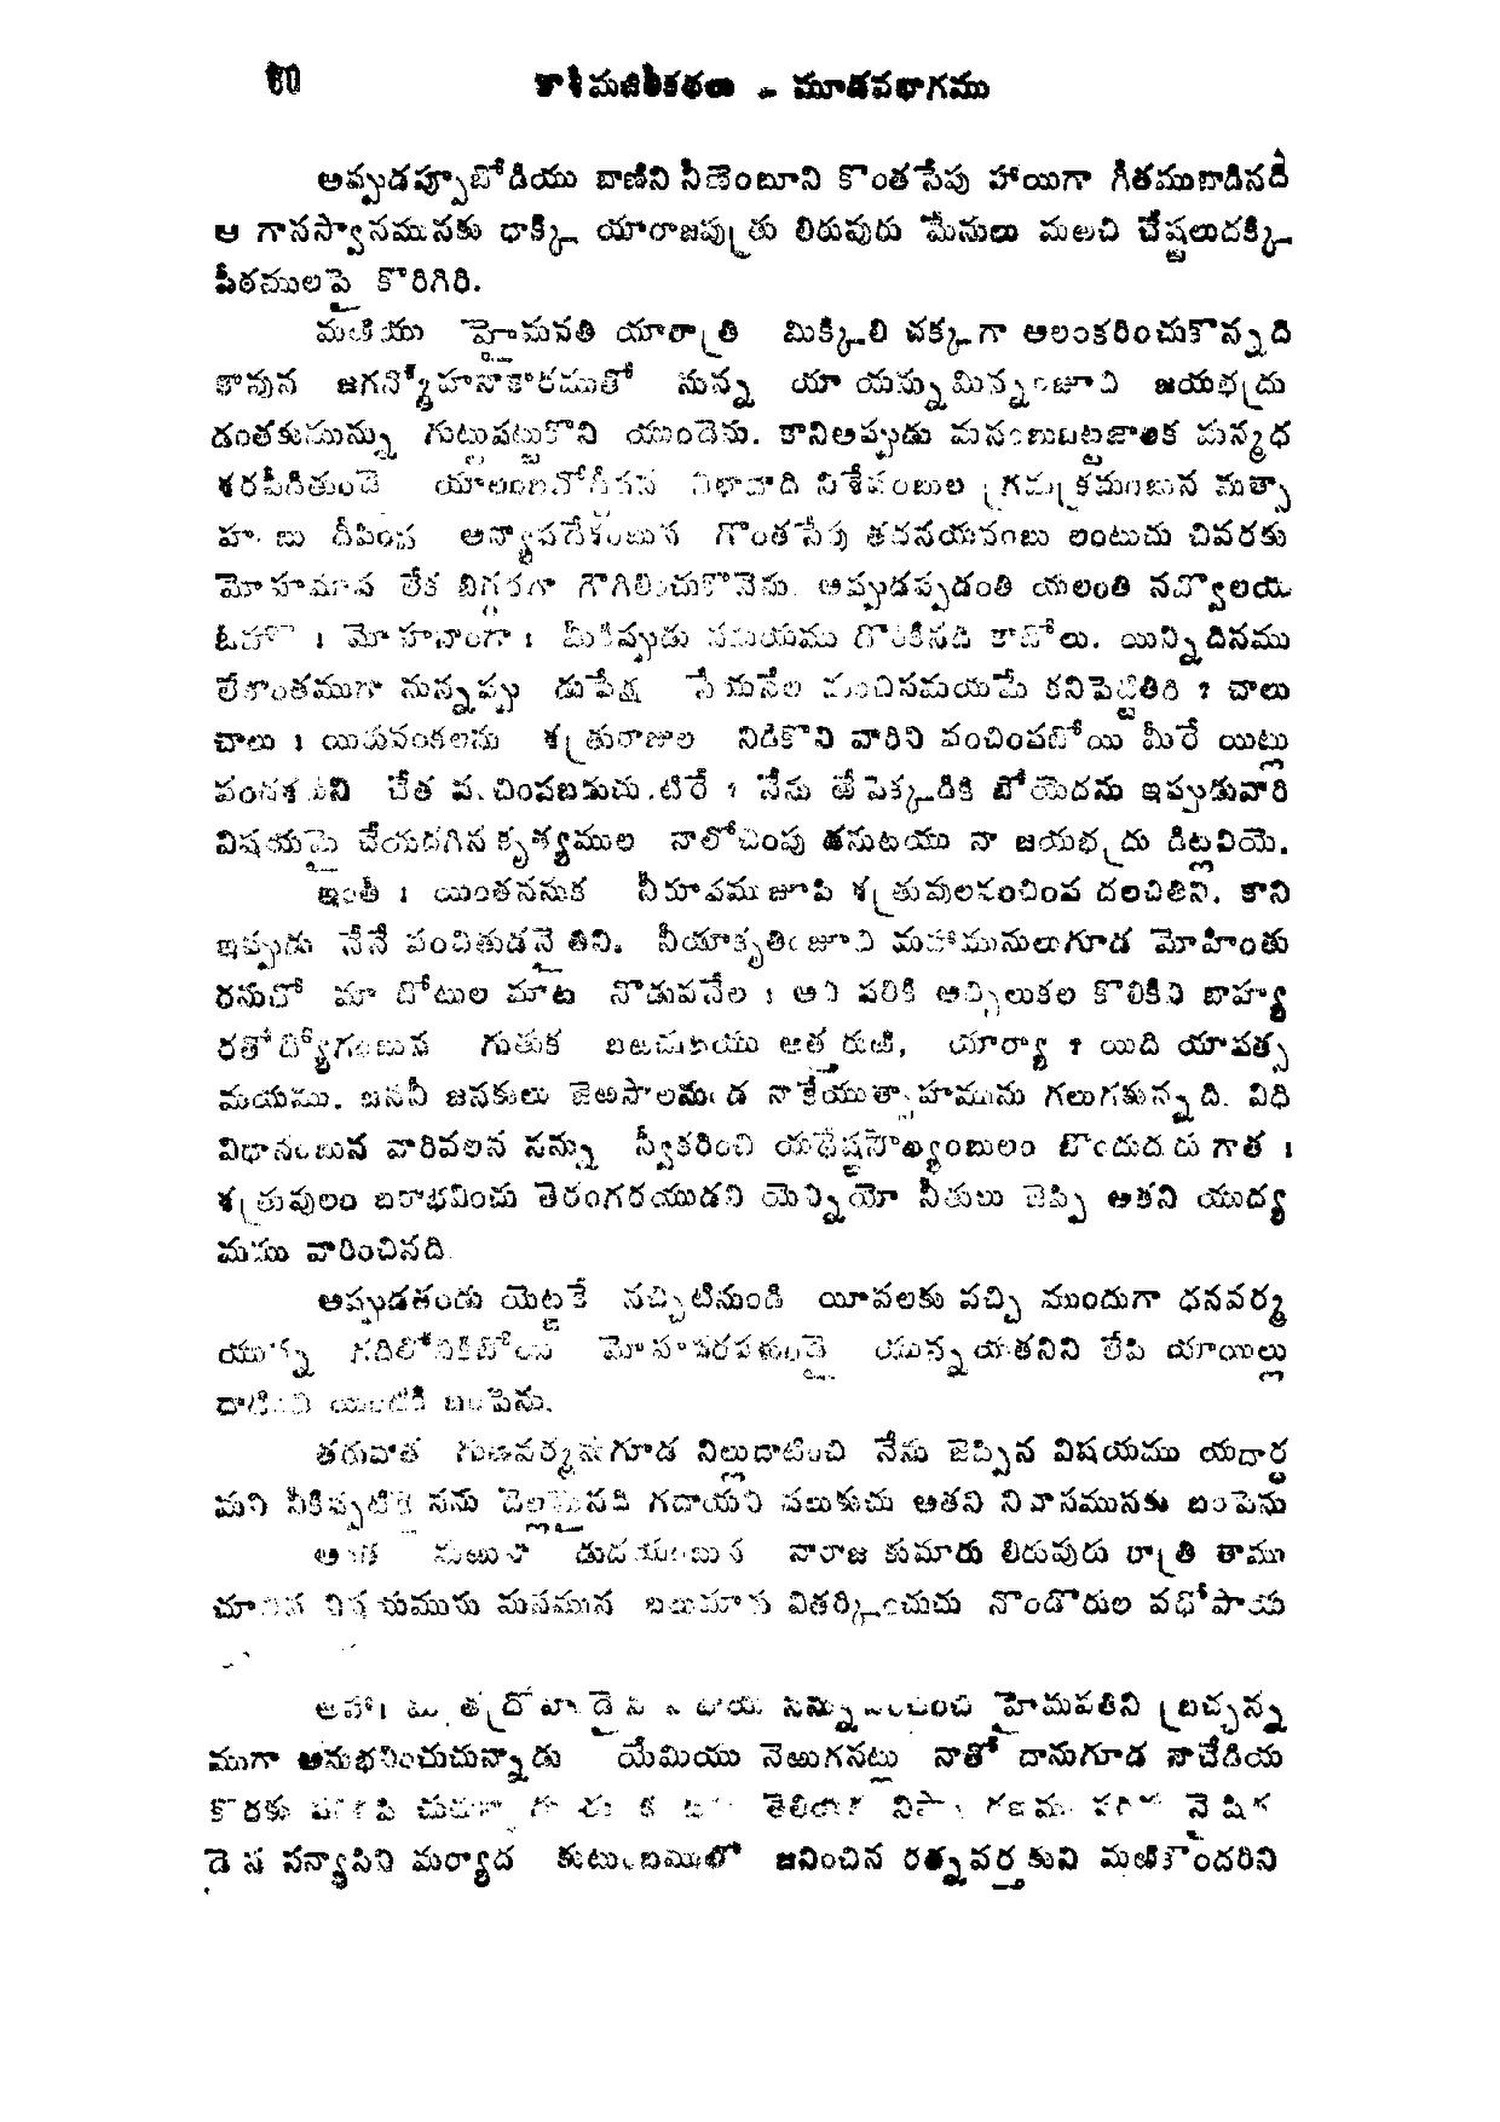అప్పు డప్పూబోడియు బాణిని వీణెంబూని కొంతసేపు హాయిగా గీతముబాడినది ఆ గానస్వానమునకు ధాక్కి యారాజపుత్రు లిరువురు మేనులు మఱచి చేష్టలుదక్కి పీఠములపై కొరిగిరి.

మఱియు హైమవతి యారాత్రి మిక్కిలి చక్కగా అలంకరించుకొన్నది కావున జగన్మోహనాకారముతో నున్న యా యన్నుమిన్నంజూచి జయభద్రు డంతకుమున్ను గుట్టుపట్టుకొని యుండెను. కానిఅప్పుడు మనంబుబట్టజాలక మన్మథశరపీడితుండై యాలంబనోద్దీపనవిభావాది విశేషంబుల గమక్రమంబున నుత్సాహంబు దీపింప అన్యాపదేశంబున గొంతసేపు తదవయవంబు లంటుచు చివరకు మోహమాప లేక బిగ్గరగా గౌగిలించుకొనెను. అప్పుడప్పడంతి యలంతి నవ్వొలయ ఓహో! మోహనాంగా! మీ కిప్పుడు సమయము దొరికినది కాబోలు. యిన్నిదినము లేకాంతముగా నున్నప్పుడు డుపేక్ష సేయనేల మంచిసమయమే కనిపెట్టితిరి? చాలు చాలు! యిరువంకలను శత్రురాజుల నిడికొని వారిని వంచింపబోయి మీరే యిట్లు పంచశరునిచేత వంచింపబడుచుంటిరే? నేను ఱే పెక్కడికి బోయెదను ఇప్పుడు వారి విషయమై చేయదగిన కృత్యముల నాలోచింపు డనుటయు నా జయభద్రు డిట్లనియె.

ఇంతీ! యింతదనుక నీరూపముజూపి శత్రువుల వంచింపదలచితిని. కాని ఇప్పుడు నేనే వంచితుడనైతిని. నీయాకృతిఁ జూచి మహామునులుగూడ మోహింతు రనుచో మా బోటుల మాట నొడువనేల! అని పలికి అచ్చిలుకలకొలికిని బాహ్యరతోద్యోగంబున గుతుకబఱచుటయు అత్తరుణి, యార్యా! యిది యాపత్సమయము. జననీజనకులు జెఱసాలనుండ నాకేయుత్సాహమును గలుగకున్నది. విధివిధానంబున వారివలన నన్ను స్వీకరించి యథేష్టసౌఖ్యంబులం బొందుదురుగాక! శత్రువులం బరాభవించు తెరం గరయుడని యెన్నియో నీతులు జెప్పి అతని యుద్యమము వారించినది.

అప్పు డతండు యెట్టకే నచ్చటినుండి యీవలకు వచ్చి ముందుగా ధనవర్మ యున్నగదిలోనికి బోయి మోహపరవశుండై యున్నయతనిని లేపి యాయిల్లు దాటించి యింటికి బంపెను.

తరువాత గుణవర్మనుగూడ నిల్లుదాటించి నేను జెప్పిన విషయము యథార్థమని నీ కిప్పటికైనను దెల్లమైనది గదా యని పలుకుచు అతని నివాసమునకు బంపెను.

అంత మఱునా డుదయంబున నారాజకుమారు లిరువురు రాత్రి తాము చూచిన విషయమును మనమున బలుమారు వితర్కించుచు నొండొరుల వధోపాయ మాలోచించిరి.

ఆహా ! మిత్రద్రోహుడైన నాచాయ నన్నువంచించి హైమవతిని బ్రచ్ఛన్నముగా అనుభవించుచున్నాడు.
యేమియు నెఱుగనట్లు నాతో దానుగూడ నాచేడియ కొరకు పరితపించుచున్నాడు. ఈకుట్రను తెలియక నిష్కారణము పరమనైష్ఠికుడైన సన్యాసిని మర్యాదకుటుంబములో జనించిన రత్నవర్తకుని మఱికొందరిని